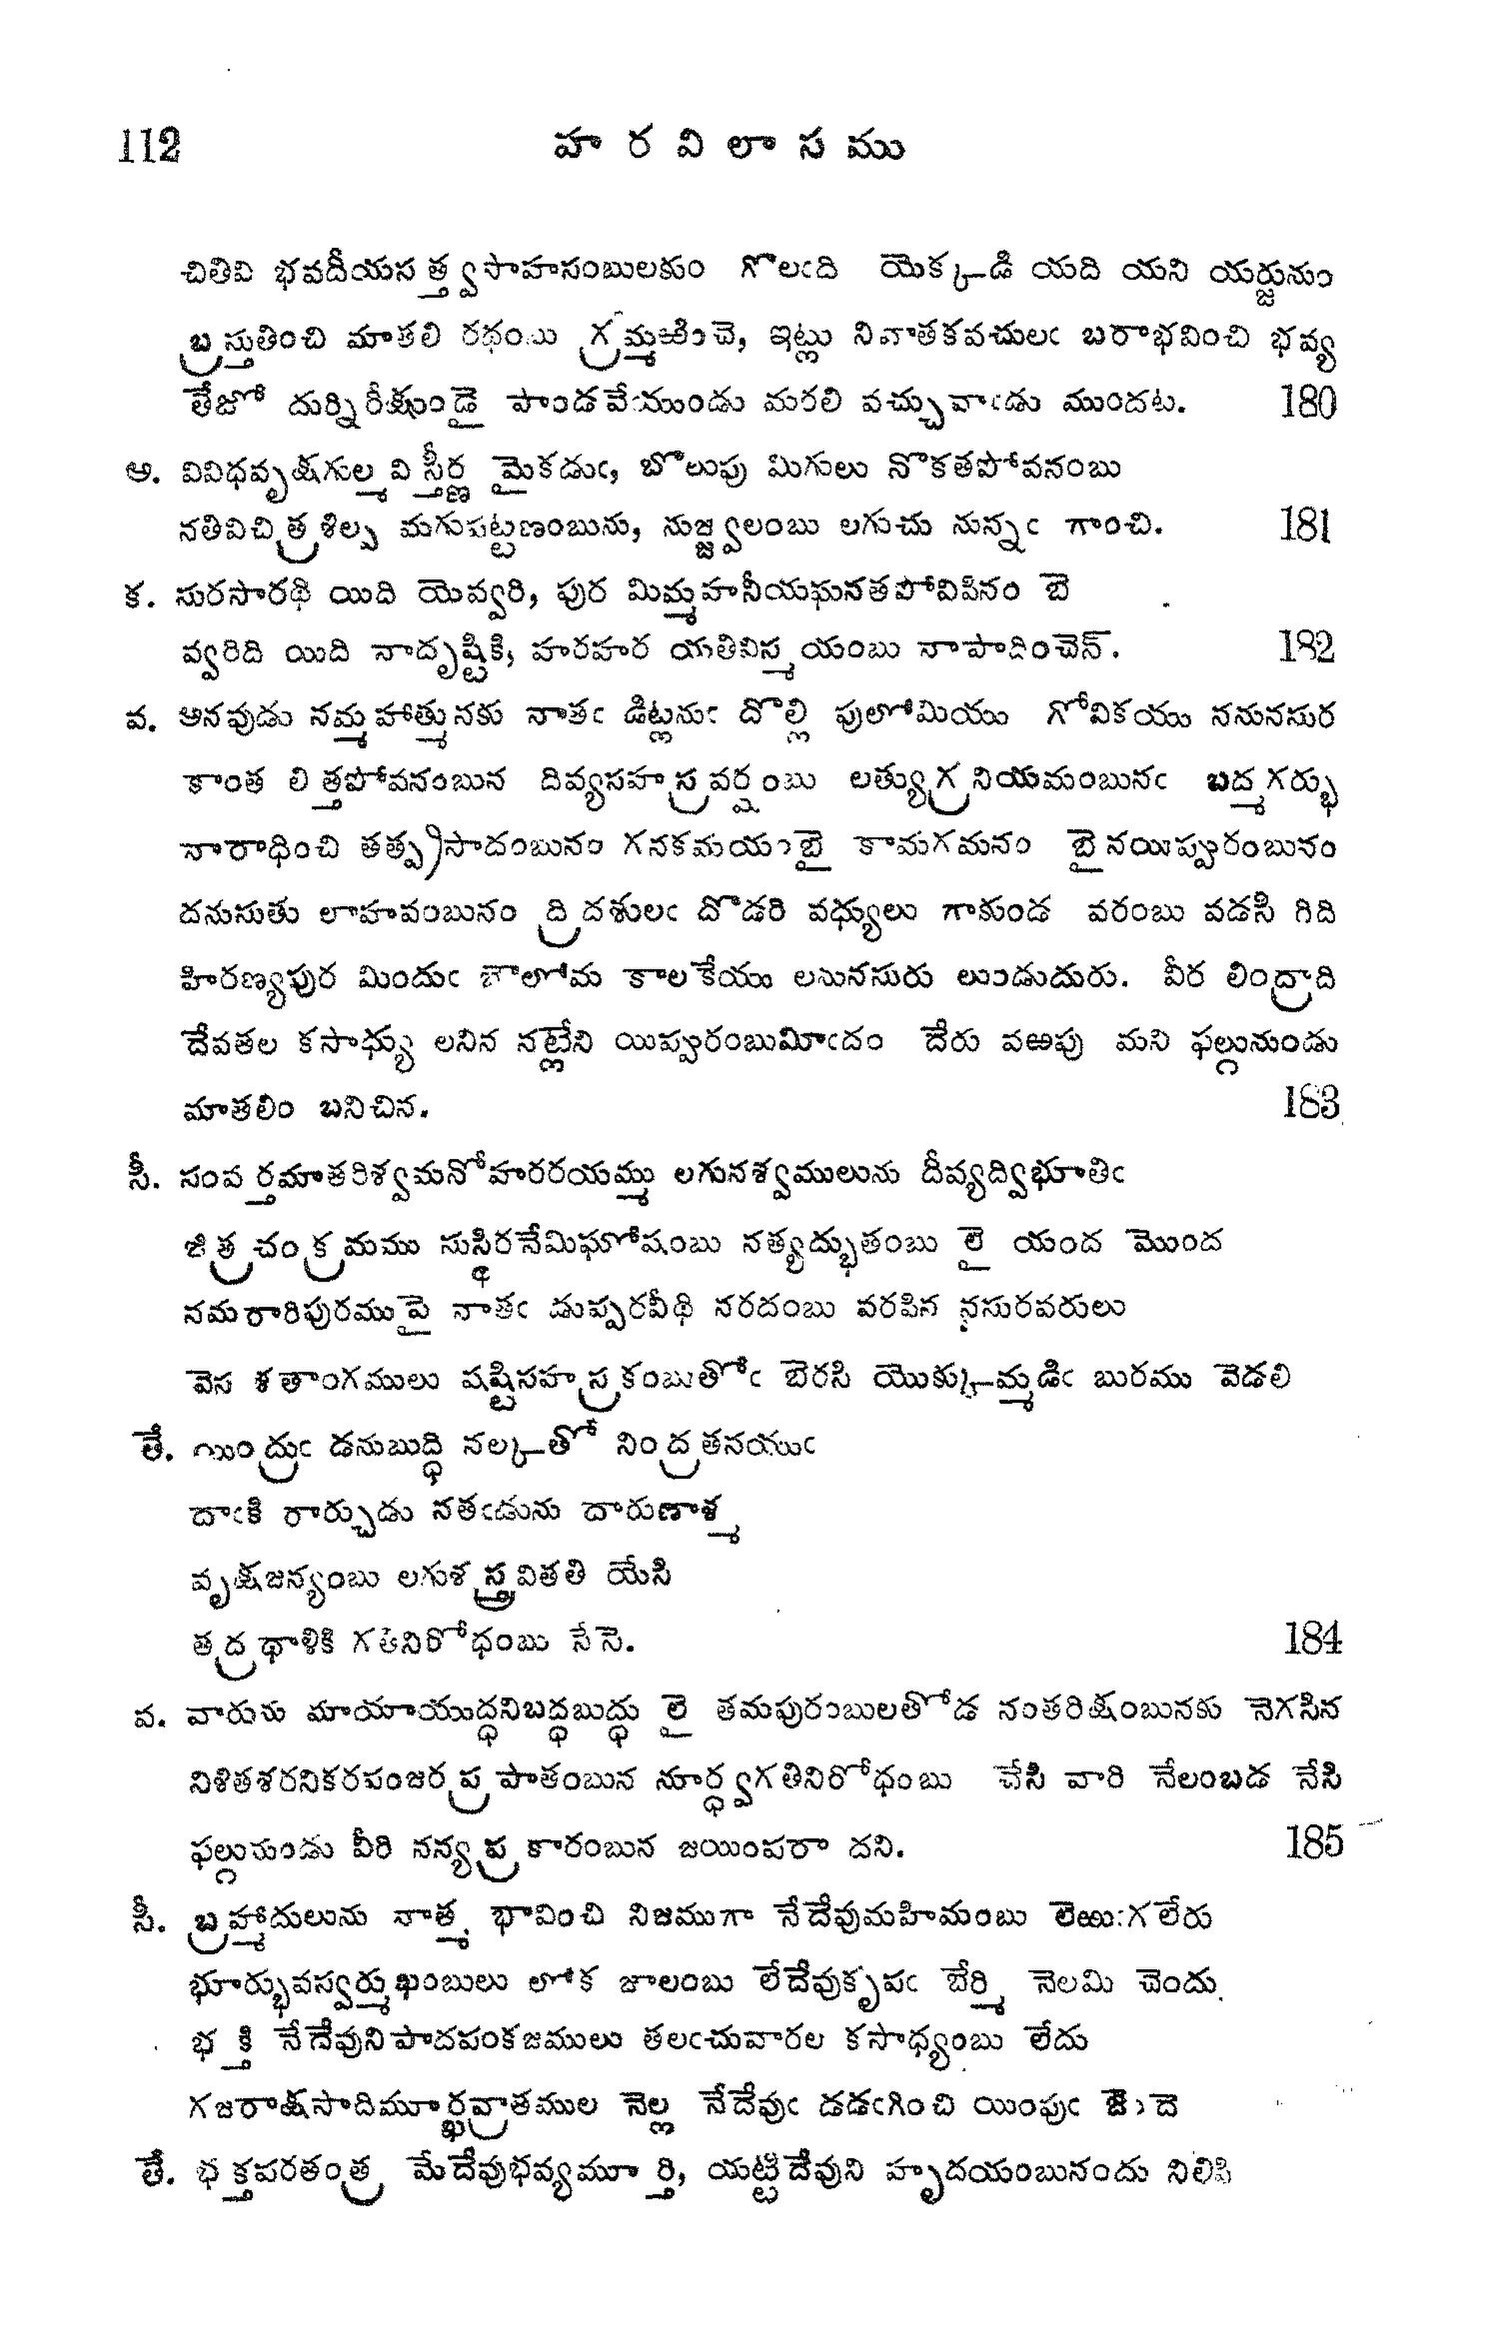చితివి భవదీయసత్త్వసాహసంబులకుం గొలది యెక్కడి యది యని యర్జునుం బ్రస్తుతించి మాతలి రథంబు గ్రమ్మరించె, ఇట్లు నివాతకవచులఁ బరాభవించి భవ్యతేజోదుర్నిరీక్షుండై పాండవేయుండు మరలి వచ్చువాఁడు ముందట. 180

ఆ. వివిధవృక్షగుల్మవిస్తీర్ణమై కడుఁ, బొలుపు మిగులు నొకతపోవనంబు .
నతివిచిత్రశిల్ప మగుపట్టణంబును, నుజ్జ్వలంబు లగుచు నున్నఁ గాంచి. 181

క. సురసారథి యిది యెవ్వరి, పుర మిమ్మహనీయఘనతపోవిపినం బె
వ్వరిది యిది నాదృష్టికి, హరహర యతినిస్మయంబు నాపాదించెన్. 182

వ. అనవుడు నమ్మహాత్మునకు నాతఁ డిట్లనుఁ దొల్లి పులోమియు గోవికయు ననునసురకాంత లిత్తపోవనంబున దివ్యసహస్రవర్షంబు లత్యుగ్రనియమంబునం బద్మగర్భు నారాధించి తత్ప్రసాదంబునం గనకమయంబై కామగమనం బైనయిప్పురంబునం దనుసుతు లాహవంబునం ద్రిదశులఁ దొడరి వధ్యులు గాకుండ వరంబు వడసి రిది హిరణ్యపుర మిందుఁ బౌలోమ కాలకేయు లనునసురు లుండుదురు. వీర లింద్రాదిదేవతల కసాధ్యు లనిన నట్లేని యిప్పురంబుమీఁదం దేరు వఱపు మని ఫల్గునుండు మాతలిం బనిచిన. 183

సీ. సంవర్తమాతరిశ్వమనోహరరయమ్ము లగునశ్వములును దీవ్యద్విభూతిం
జిత్రచంక్రమము సుస్థిరనేమిఘోషంబు నత్యద్భుతంబు లై యంద మొంద
నమరారిపురముపై నాతఁ డుప్పరవీథి నరదంబు వరపిన నసురవరులు
వెస శతాంగములు షష్టిసహస్రకంబుతోఁ బెరసి యొక్కుమ్మడిఁ బురము వెడలి
తే. యింద్రుఁ డనుబుద్ధి నల్కతో నింద్రతనయుఁ
దాఁకి రార్చుడు నతఁడును దారుణాశ్మ
వృక్షజన్యంబు లగుశస్త్రవితతి యేసి
తద్రథాళికి గతినిరోధంబు సేసె. 184

వ. వారును మాయాయుద్ధనిబద్ధబుద్దులై తమపురంబులతోడ నంతరిక్షంబునకు నెగసిన నిశితశరనికరపంజరప్రపాతంబున నూర్ధ్వగతినిరోధంబు చేసి వారి నేలంబడ నేసి ఫల్గునుండు వీరి నన్యప్రకారంబున జయింపరా దని. 185

సీ. బ్రహ్లాదులును నాత్మ భావించి నిజముగా నేదేవుమహిమంబు లెఱుఁగలేరు
భూర్భువస్వర్ముఖంబులు లోక జాలంబు లేదేవుకృపఁ బేర్మి నెలమి చెందు
భక్తి నేదేవుని పాదపంకజములు తలఁచువారల కసాధ్యంబు లేదు
గజరాక్షసాదిమూర్ఖవ్రాతముల నెల్ల నేదేవుఁ డడఁగించి యింపుఁ జెందె
తే. భక్తపరతంత్ర మేదేవు భవ్యమూర్తి, యట్టిదేవుని హృదయంబునందు నిలిపి